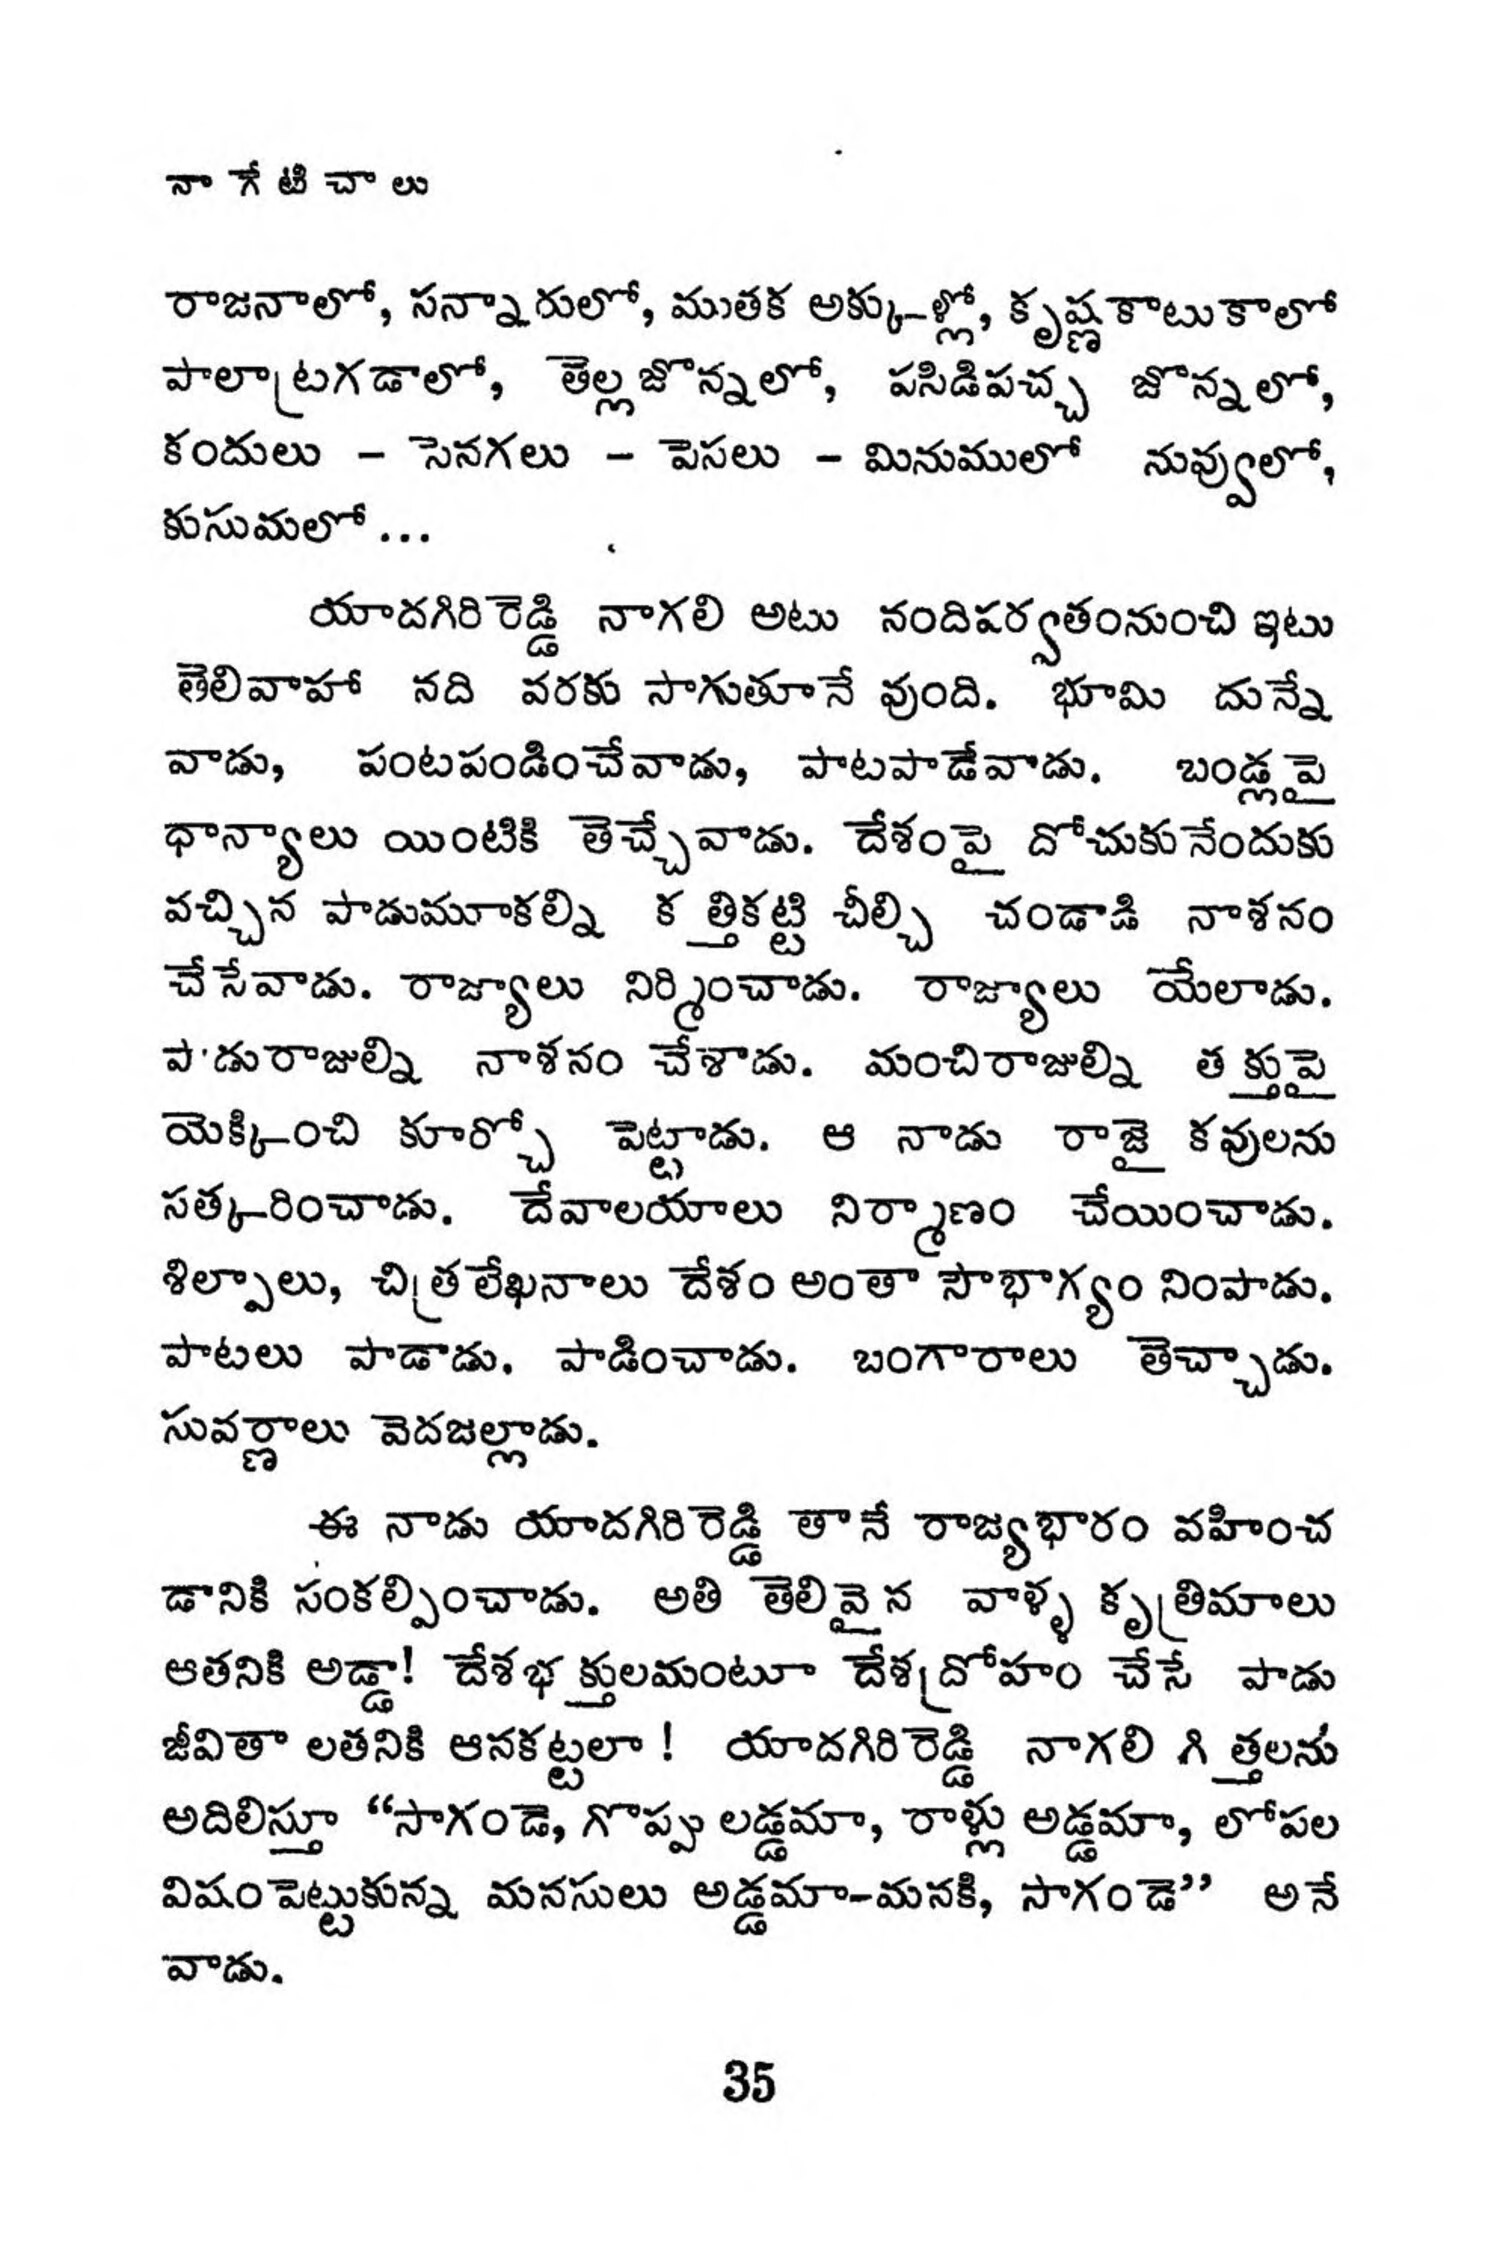రాజనాలో, సన్నారులో, ముతక అక్కుళ్లో, కృష్ణకాటుకాలో పాలాట్రగడాలో, తెల్లజొన్నలో, పసిడిపచ్చ జొన్నలో, కందులు - సెనగలు - పెసలు - మినుములో నువ్వులో కుసుమలో.....

యాదగిరిరెడ్డి నాగలి అటు నందిపర్వతంనుంచి ఇటు తెలవాహా నది వరకు సాగుతూనే వుంది. భూమి దున్నేవాడు, పంటపండించేవాడు, పాటపాడేవాడు. బండ్లపై ధాన్యాలు యింటికి తెచ్చేవాడు. దేశంపై దోచుకునేందుకు వచ్చిన పాడుమూకల్ని కత్తికట్టి చీల్చి చండాడి నాశనం చేసేవాడు. రాజ్యాలు నిర్మించాడు. రాజ్యాలు యేలాడు. పాడురాజుల్ని నాశనం చేశాడు. మంచిరాజుల్ని తక్తుపై యెక్కించి కూర్చో పెట్టాడు. ఆ నాడు రాజై కవులను సత్కరించాడు. దేవాలయాలు నిర్మాణం చేయించాడు. శిల్పాలు, చిత్రలేఖనాలు దేశం అంతా సౌభాగ్యం నింపాడు. పాటలు పాడాడు. పాడించాడు. బంగారాలు తెచ్చాడు. సువర్ణాలు వెదజల్లాడు.

ఈ నాడు యాదగిరిరెడ్డి తానే రాజ్యభారం వహించడానికి సంకల్పించాడు. అతి తెలివైన వాళ్ళ కృతిమాలు ఆతనికి అడ్డా! దేశభక్తులమంటూ దేశద్రోహం చేసే పాడు జీవితా లతనికి ఆనకట్టలా ! యాదగిరిరెడ్డి నాగలి గిత్తలను అదిలిస్తూ "సాగండె, గొప్పు లడ్డమా, రాళ్లు అడ్డమా, లోపల విషంపెట్టుకున్న మనసులు అడ్డమా - మనకి, సాగండె" అనేవాడు.